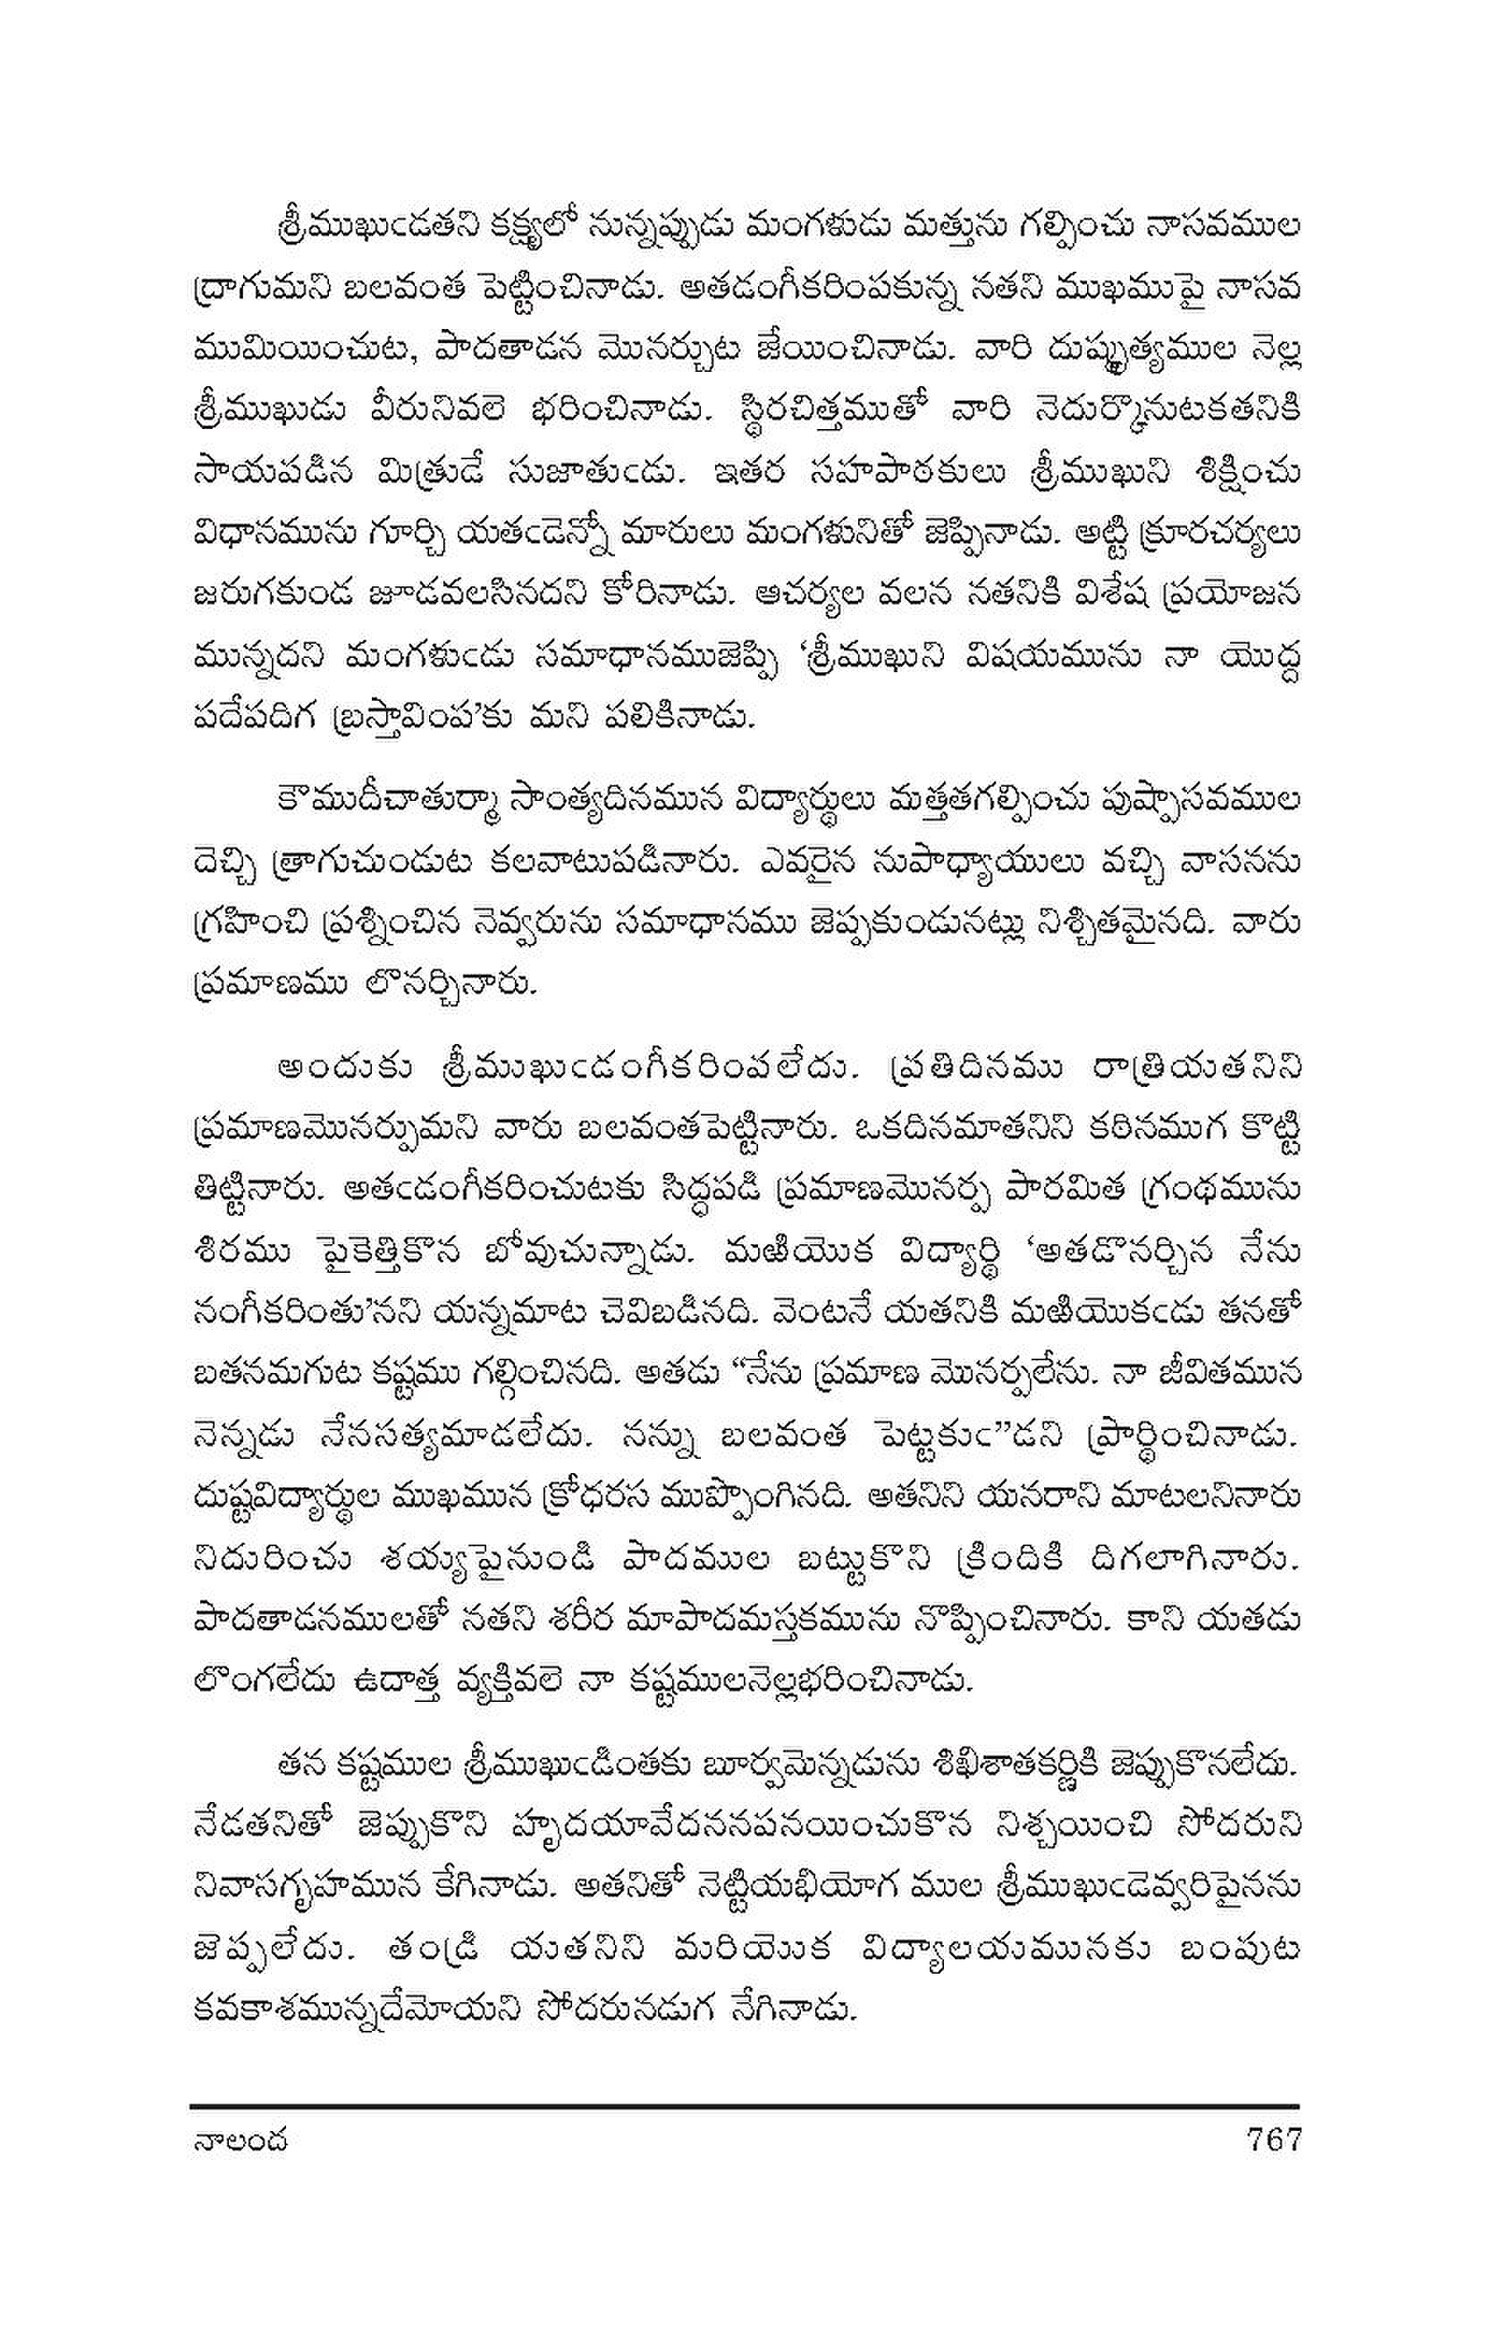శ్రీముఖుఁడతని కక్ష్యలో నున్నప్పుడు మంగళుడు మత్తును గల్పించు నాసవముల ద్రాగుమని బలవంత పెట్టించినాడు. అతడంగీకరింపకున్న నతని ముఖముపై నాసవ ముమియించుట, పాదతాడన మొనర్చుట జేయించినాడు. వారి దుష్కృత్యముల నెల్ల శ్రీముఖుడు వీరునివలె భరించినాడు. స్థిరచిత్తముతో వారి నెదుర్కొనుటకతనికి సాయపడిన మిత్రుడే సుజాతుఁడు. ఇతర సహపాఠకులు శ్రీముఖుని శిక్షించు విధానమును గూర్చి యతఁడెన్నో మారులు మంగళునితో జెప్పినాడు. అట్టి క్రూరచర్యలు జరుగకుండ జూడవలసినదని కోరినాడు. ఆచర్యల వలన నతనికి విశేష ప్రయోజన మున్నదని మంగళుఁడు సమాధానముజెప్పి 'శ్రీముఖుని విషయమును నా యొద్ద పదేపదిగ బ్రస్తావింపు'కు మని పలికినాడు.

కౌముదీచాతుర్మా సాంత్యదినమున విద్యార్థులు మత్తతగల్పించు పుష్పాసవముల దెచ్చి త్రాగుచుండుట కలవాటుపడినారు. ఎవరైన నుపాధ్యాయులు వచ్చి వాసనను గ్రహించి ప్రశ్నించిన నెవ్వరును సమాధానము జెప్పకుండునట్లు నిశ్చితమైనది. వారు ప్రమాణము లొనర్చినారు.

అందుకు శ్రీముఖుఁడంగీకరింపలేదు. ప్రతిదినము రాత్రియతనిని
ప్రమాణమొనర్పుమని వారు బలవంతపెట్టినారు. ఒకదినమాతనిని కఠినముగ కొట్టి తిట్టినారు. అతఁడంగీకరించుటకు సిద్ధపడి ప్రమాణమొనర్ప పారమిత గ్రంథమును శిరము పైకెత్తికొన బోవుచున్నాడు. మఱియొక విద్యార్థి 'అతడొనర్చిన నేను నంగీకరింతు'నని యన్నమాట చెవిబడినది. వెంటనే యతనికి మఱియొకఁడు తనతో బతనమగుట కష్టము గల్గించినది. అతడు "నేను ప్రమాణ మొనర్పలేను. నా జీవితమున నెన్నడు నేనసత్యమాడలేదు. నన్ను బలవంత పెట్టకుఁ"డని ప్రార్థించినాడు. దుష్టవిద్యార్థుల ముఖమున క్రోధరస ముప్పొంగినది. అతనిని యనరాని మాటలనినారు నిదురించు శయ్యపైనుండి పాదముల బట్టుకొని క్రిందికి దిగలాగినారు.పాదతాడనములతో నతని శరీర మాపాదమస్తకమును నొప్పించినారు. కాని యతడు లొంగలేదు ఉదాత్త వ్యక్తివలె నా కష్టములనెల్లభరించినాడు.

తన కష్టముల శ్రీముఖుఁడింతకు బూర్వమెన్నడును శిఖిశాతకర్ణికి జెప్పుకొనలేదు. నేడతనితో జెప్పుకొని హృదయావేదననపనయించుకొన నిశ్చయించి సోదరుని
నివాసగృహమున కేగినాడు. అతనితో నెట్టియభియోగ ముల శ్రీముఖుఁడెవ్వరిపైనను జెప్పలేదు. తండ్రి యతనిని మరియొక విద్యాలయమునకు బంపుట కవకాశమున్నదేమోయని సోదరునడుగ నేగినాడు.